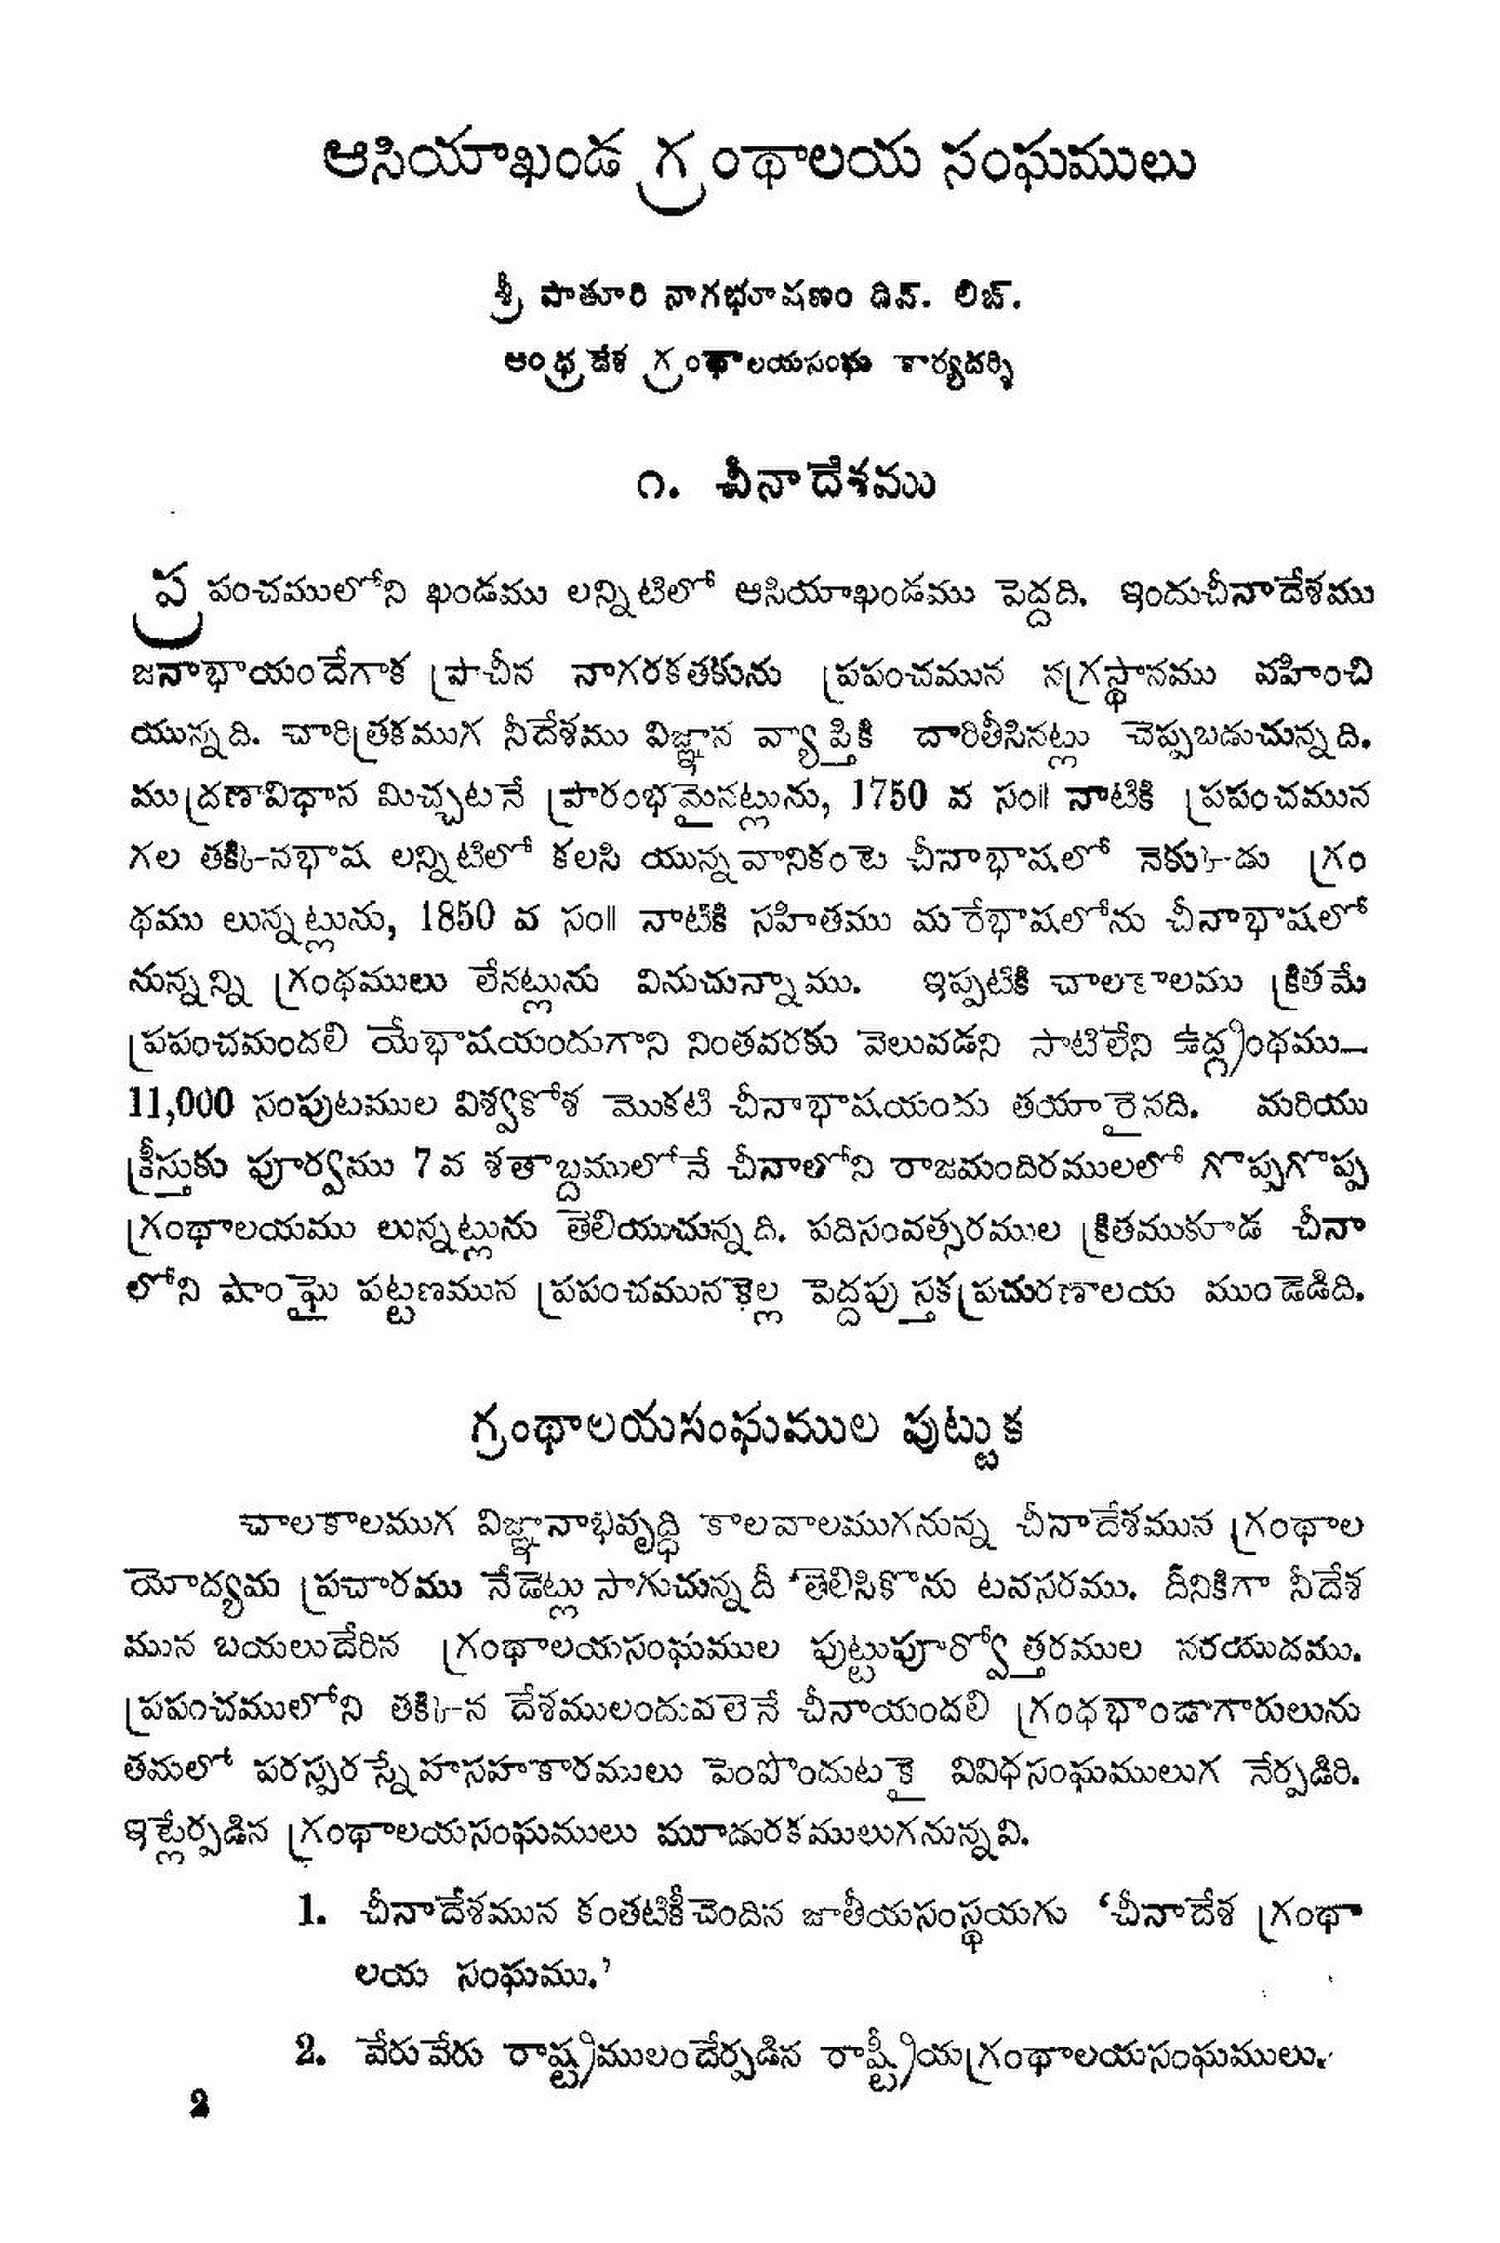ప్ర పపంచములోని ఖండములన్నిటిలో ఆసియాఖండము పెద్దది. ఇందు చీనాదేశము జనాభా యందేగాక ప్రాచీన నాగరకతకును ప్రపంచమున నగ్రస్థానము వహించి యున్నది. చారిత్రకముగ నీదేశము విజ్ఞాన వ్యాప్తికి దారితీసినట్లు చెప్పబడుచున్నది.
ముద్రణా విధాన మిచ్చటనే ప్రారంభమైనట్లును, 1750వ సం॥ నాటికి ప్రపంచమున గల తక్కి-నభాష లన్నిటిలో కలసి యున్నవానికంటె చీనా భాషలో నెక్కుడు గ్రంథములున్నట్లును, 1850వ సం॥ నాటికి సహితము మరేభాషలోను చీనాభాషలో నున్నన్ని గ్రంథములు లేనట్లును వినుచున్నాము. ఇప్పటికీ చాలకాలము క్రితమే ప్రపంచమందలి యేభాషయందుగాని నింతవరకు వెలువడని సాటిలేని ఉద్గ్రంథము - 11,000 సంపుటముల విశ్వకోశ మొకటి చీనాభాషయందు తయారైనది. మరియు క్రీస్తుకు పూర్వము 7వ శతాబ్దములోనే చీనాలోని రాజమందిరములలో గొప్పగొప్ప గ్రంథాలయములున్నట్లును తెలియుచున్నది. పదిసంవత్సరముల క్రితముకూడ చీనా
లోని షాంఘై పట్టణమున ప్రపంచమున కెల్ల పెద్దపుస్తక ప్రచురణాలయ ముండెడిది.

చాల కాలముగ విజ్ఞానాభివృద్ధి 'కాలవాలముగనున్న చీనాదేశమున గ్రంథాలయోద్యమ ప్రచారము నేడెట్లు సాగుచున్నదీ 
తెలిసికొనుటనసరము. దీనికిగా నీదేశమున బయలుదేరిన గ్రంథాలయసంఘముల పుట్టుపూర్వోత్తరముల నరయుదము.
ప్రపంచములోని తక్కిన దేశములందువలెనే చీనాయందలి గ్రంథభాండాగారులును తమలో పరస్పర స్నేహసహకారములు 
పెంపొందుటకై వివిధ సంఘములుగ నేర్పడిరి. ఇట్లేర్పడిన గ్రంథాలయ సంఘములు మూడురకములుగనున్నవి.
1.చీనాదేశమున కంతటికీ చెందిన జాతీయసంస్థయగు “చీనాదేశ గ్రంథాలయ సంఘము".
2.వేరువేరు రాష్ట్రములందేర్పడిన రాష్ట్రీయ గ్రంథాలయసంఘములు